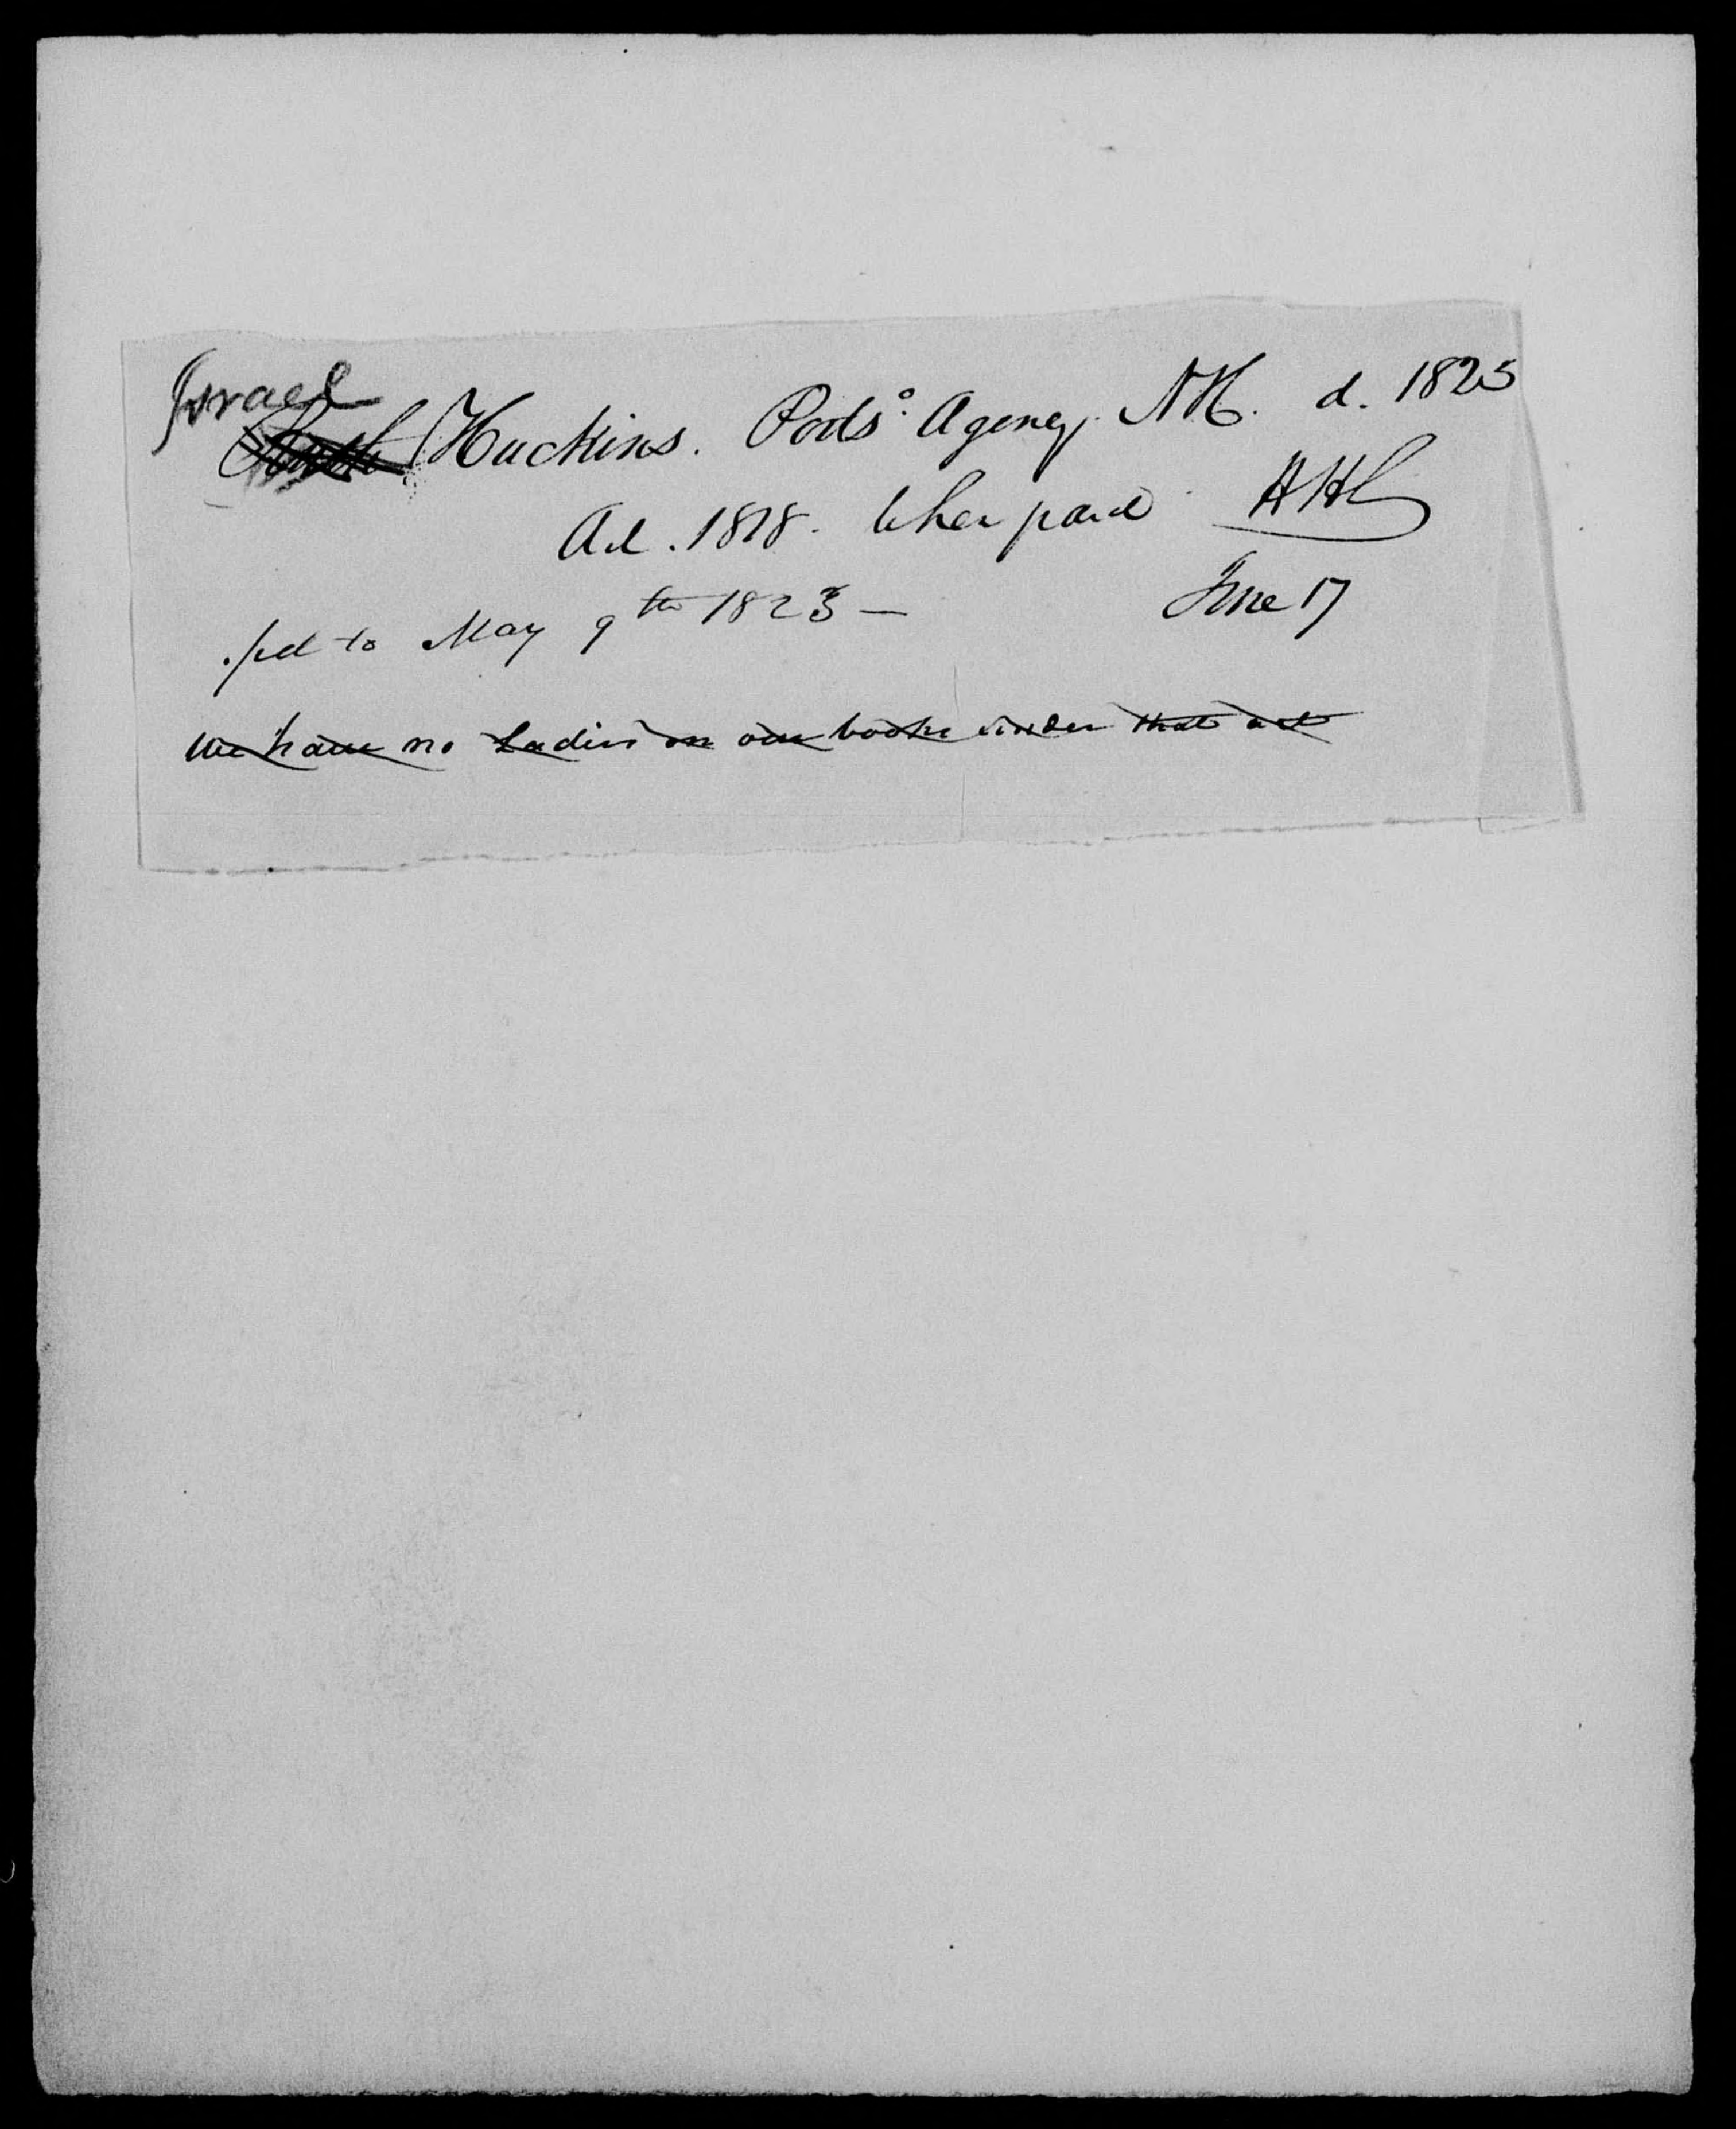Israel A. Huckins. Port. Agency. Mt. d. 1825
Act 1818. who paid July 1 1823.
fed to May 9 to 1823.
An Act to regulate the duties on imports and exports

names: Israel Huckins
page: 23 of 35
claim: widow's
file: W. 16127, Israel Huckins, N.H.